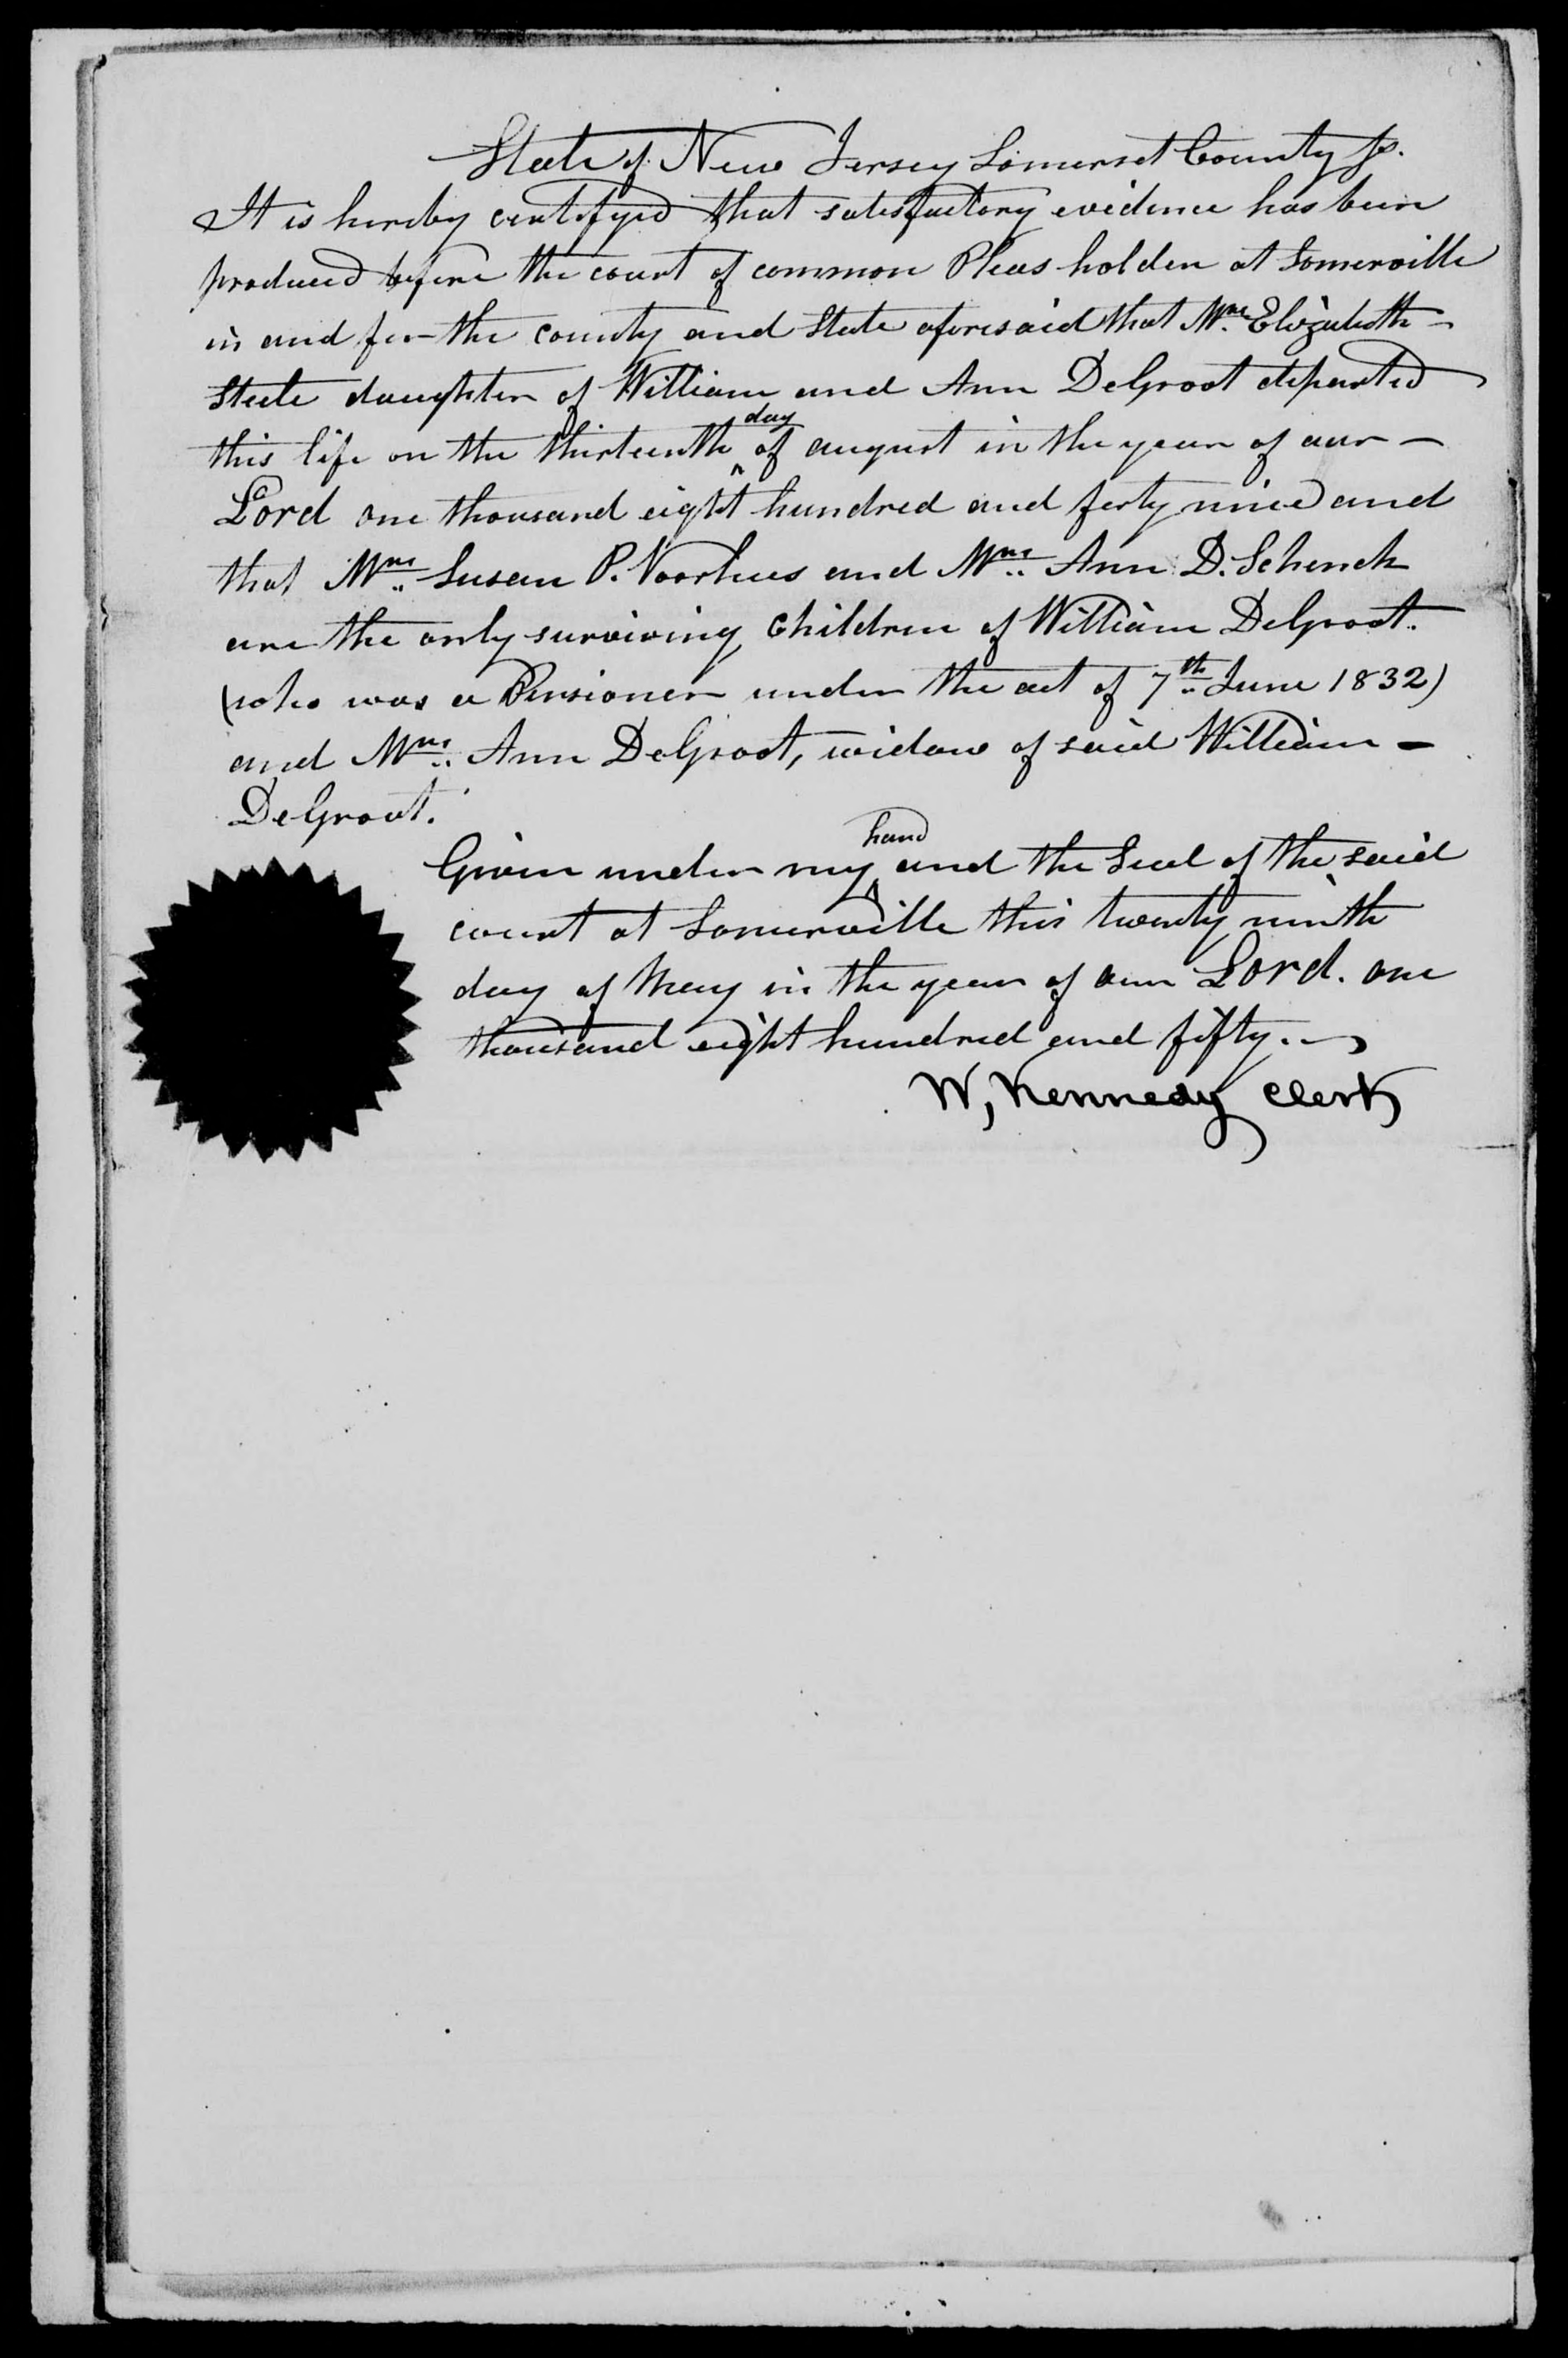State of New Jersey Somerset County ss.
It is hereby certifyed that satisfactory evidence has been produced before the court of common Pleas holden at Somerville in and for the county and State aforesaid that Mrs. Elizabeth Steele daughter of William and Ann De Groot departed this life on the thirteenth day of August in the year of our Lord one thousand eight hundred and forty nine and that Mrs. Susan P. Voorhees and Mrs. Ann D. Schenck are the only surviving children of William De Groot (who was a Pensioner under the act of 7th June 1832) and Mrs. Ann De Groot, widow of said William De Groot.
Given under my hand and the Seal of the said court at Somerville this twenty ninth day of May in the year of our Lord one thousand eight hundred and fifty.  [signed]  W, Kennedy Clerk
[seal to the left]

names: William De Groot, Elizabeth Steele, Ann De Groot, William De Groot, Susan P Voorhees, Ann D Schenck, Ann De Groot, W Kennedy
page: 75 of 77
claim: widow's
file: W. 417, William De Groot, New Jersey